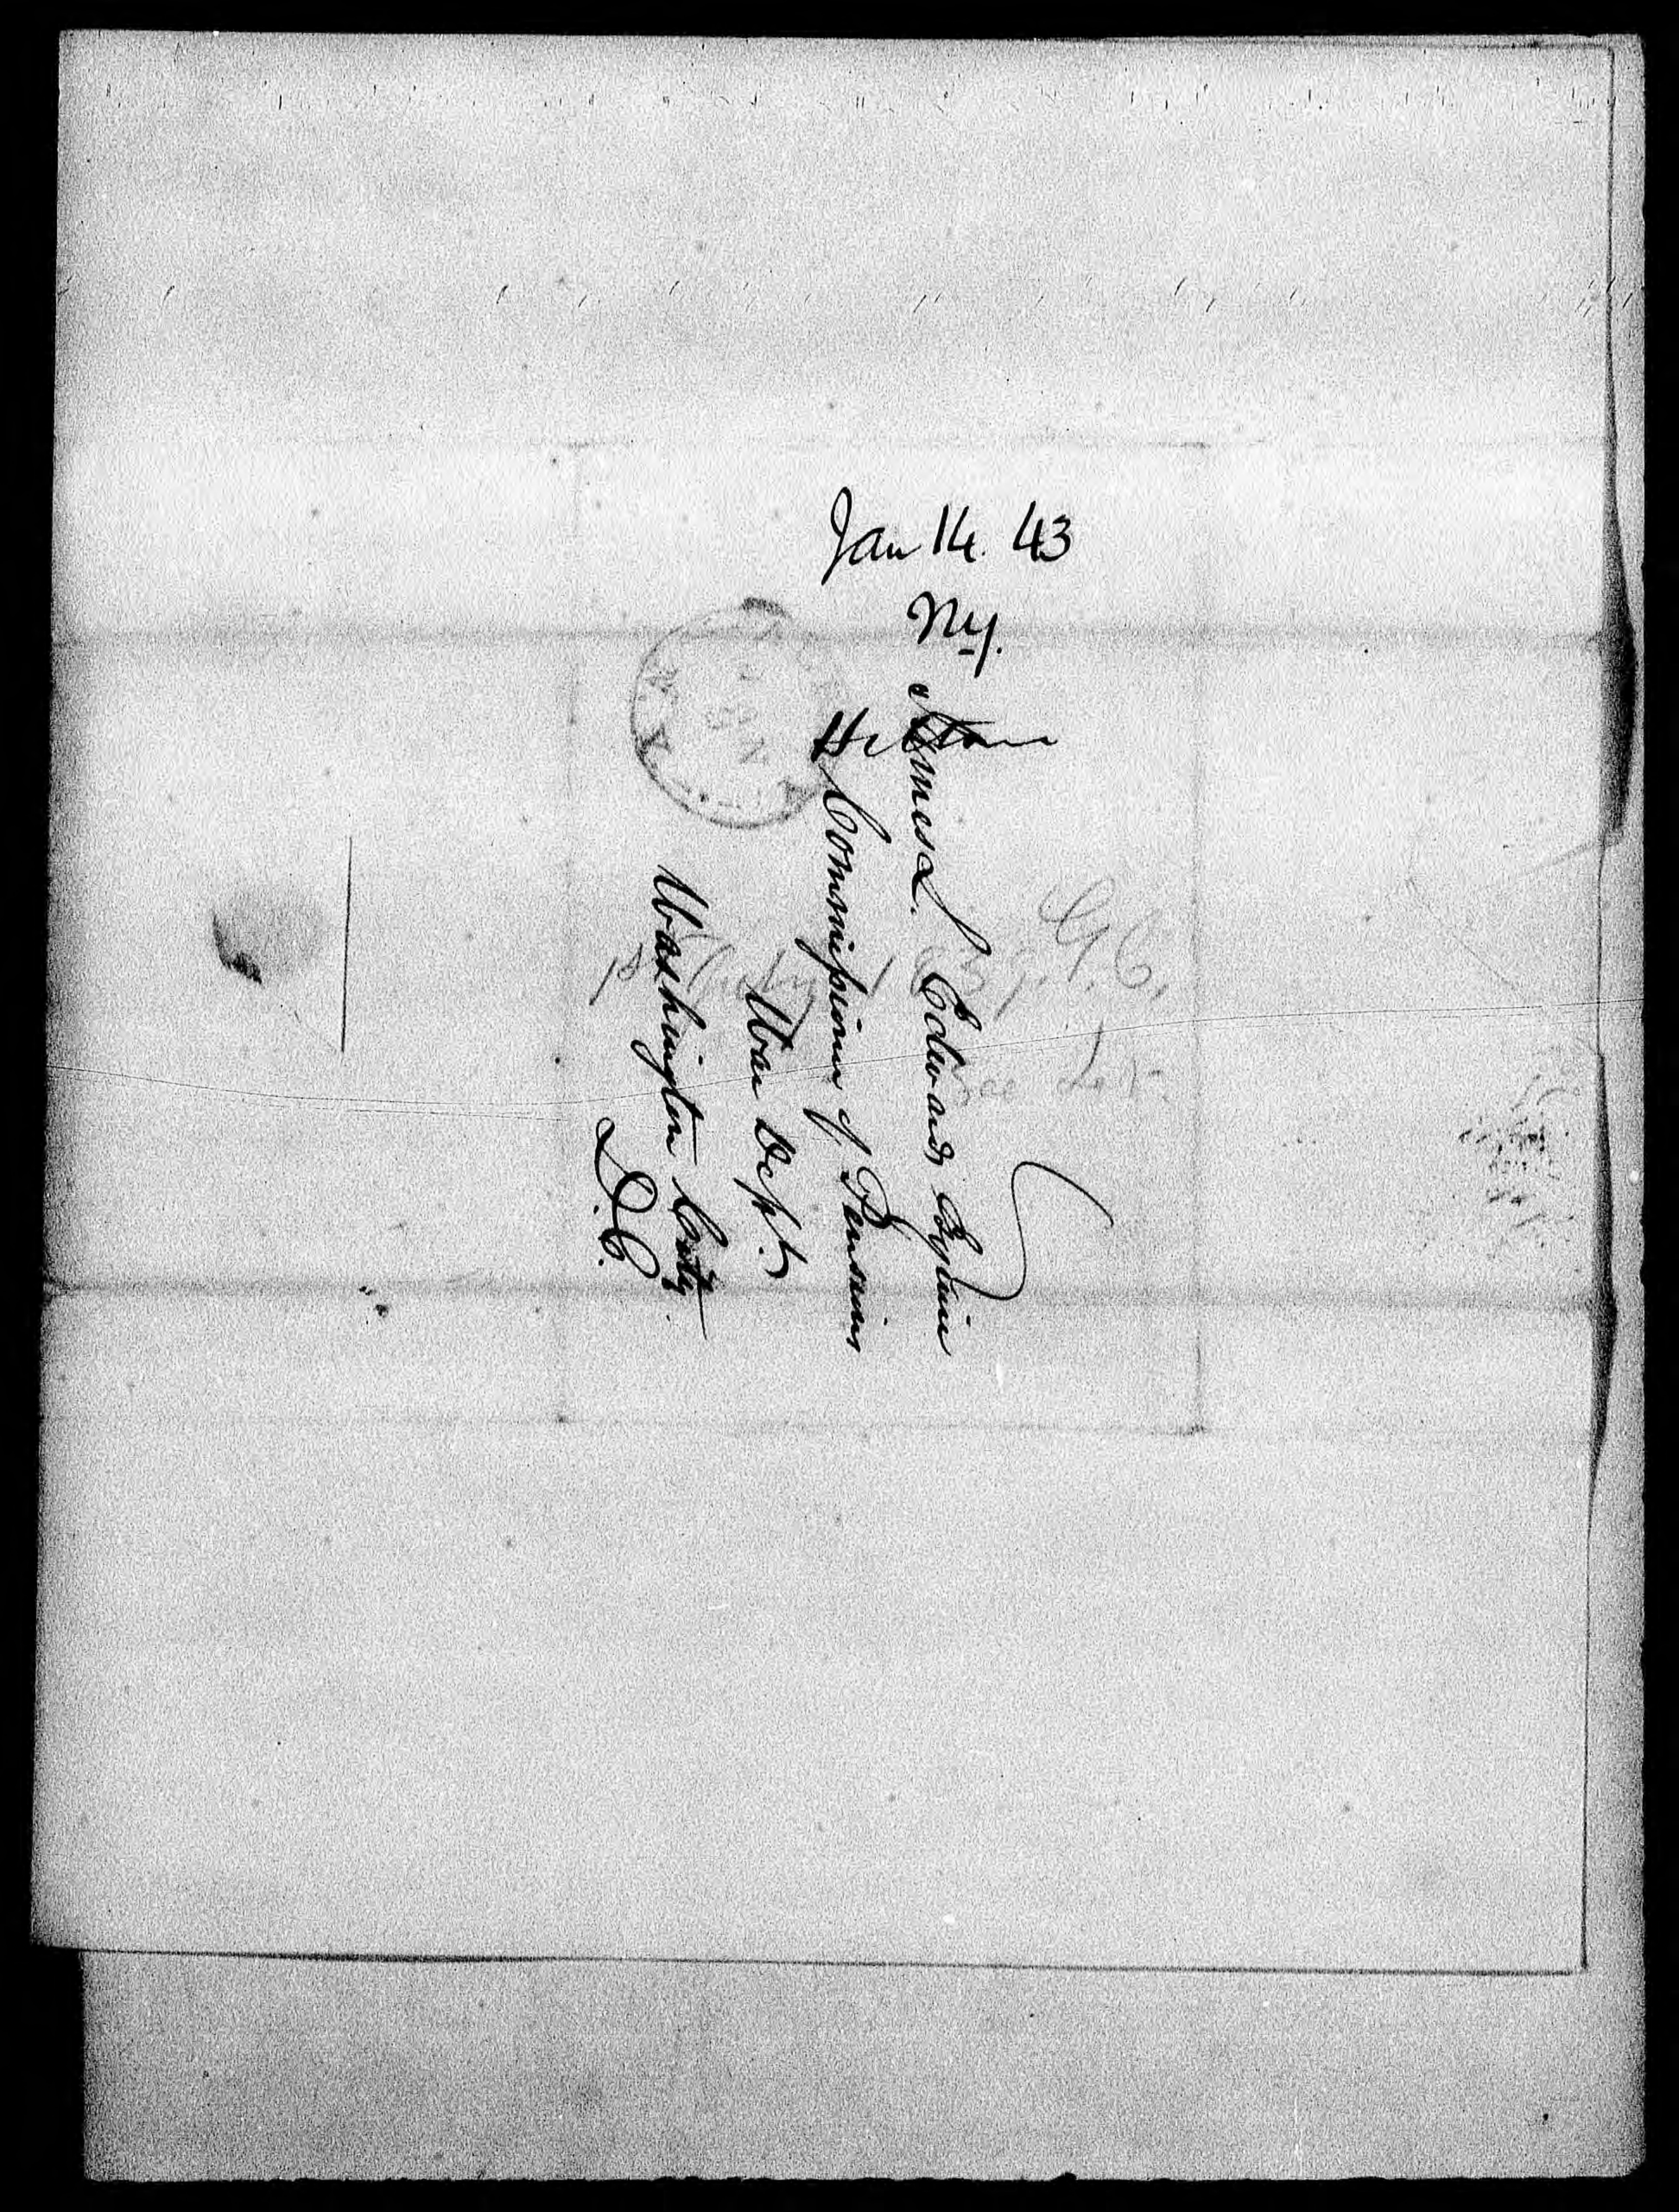Jan 14 43
NY

Hilton

James L Edwards Esquire
Commissioner of Pensions
War Dept
Washington City
D.C.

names: James L Edwards, Hilton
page: 40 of 48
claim: widow's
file: W. 19788, Jacob W Hilton, New York